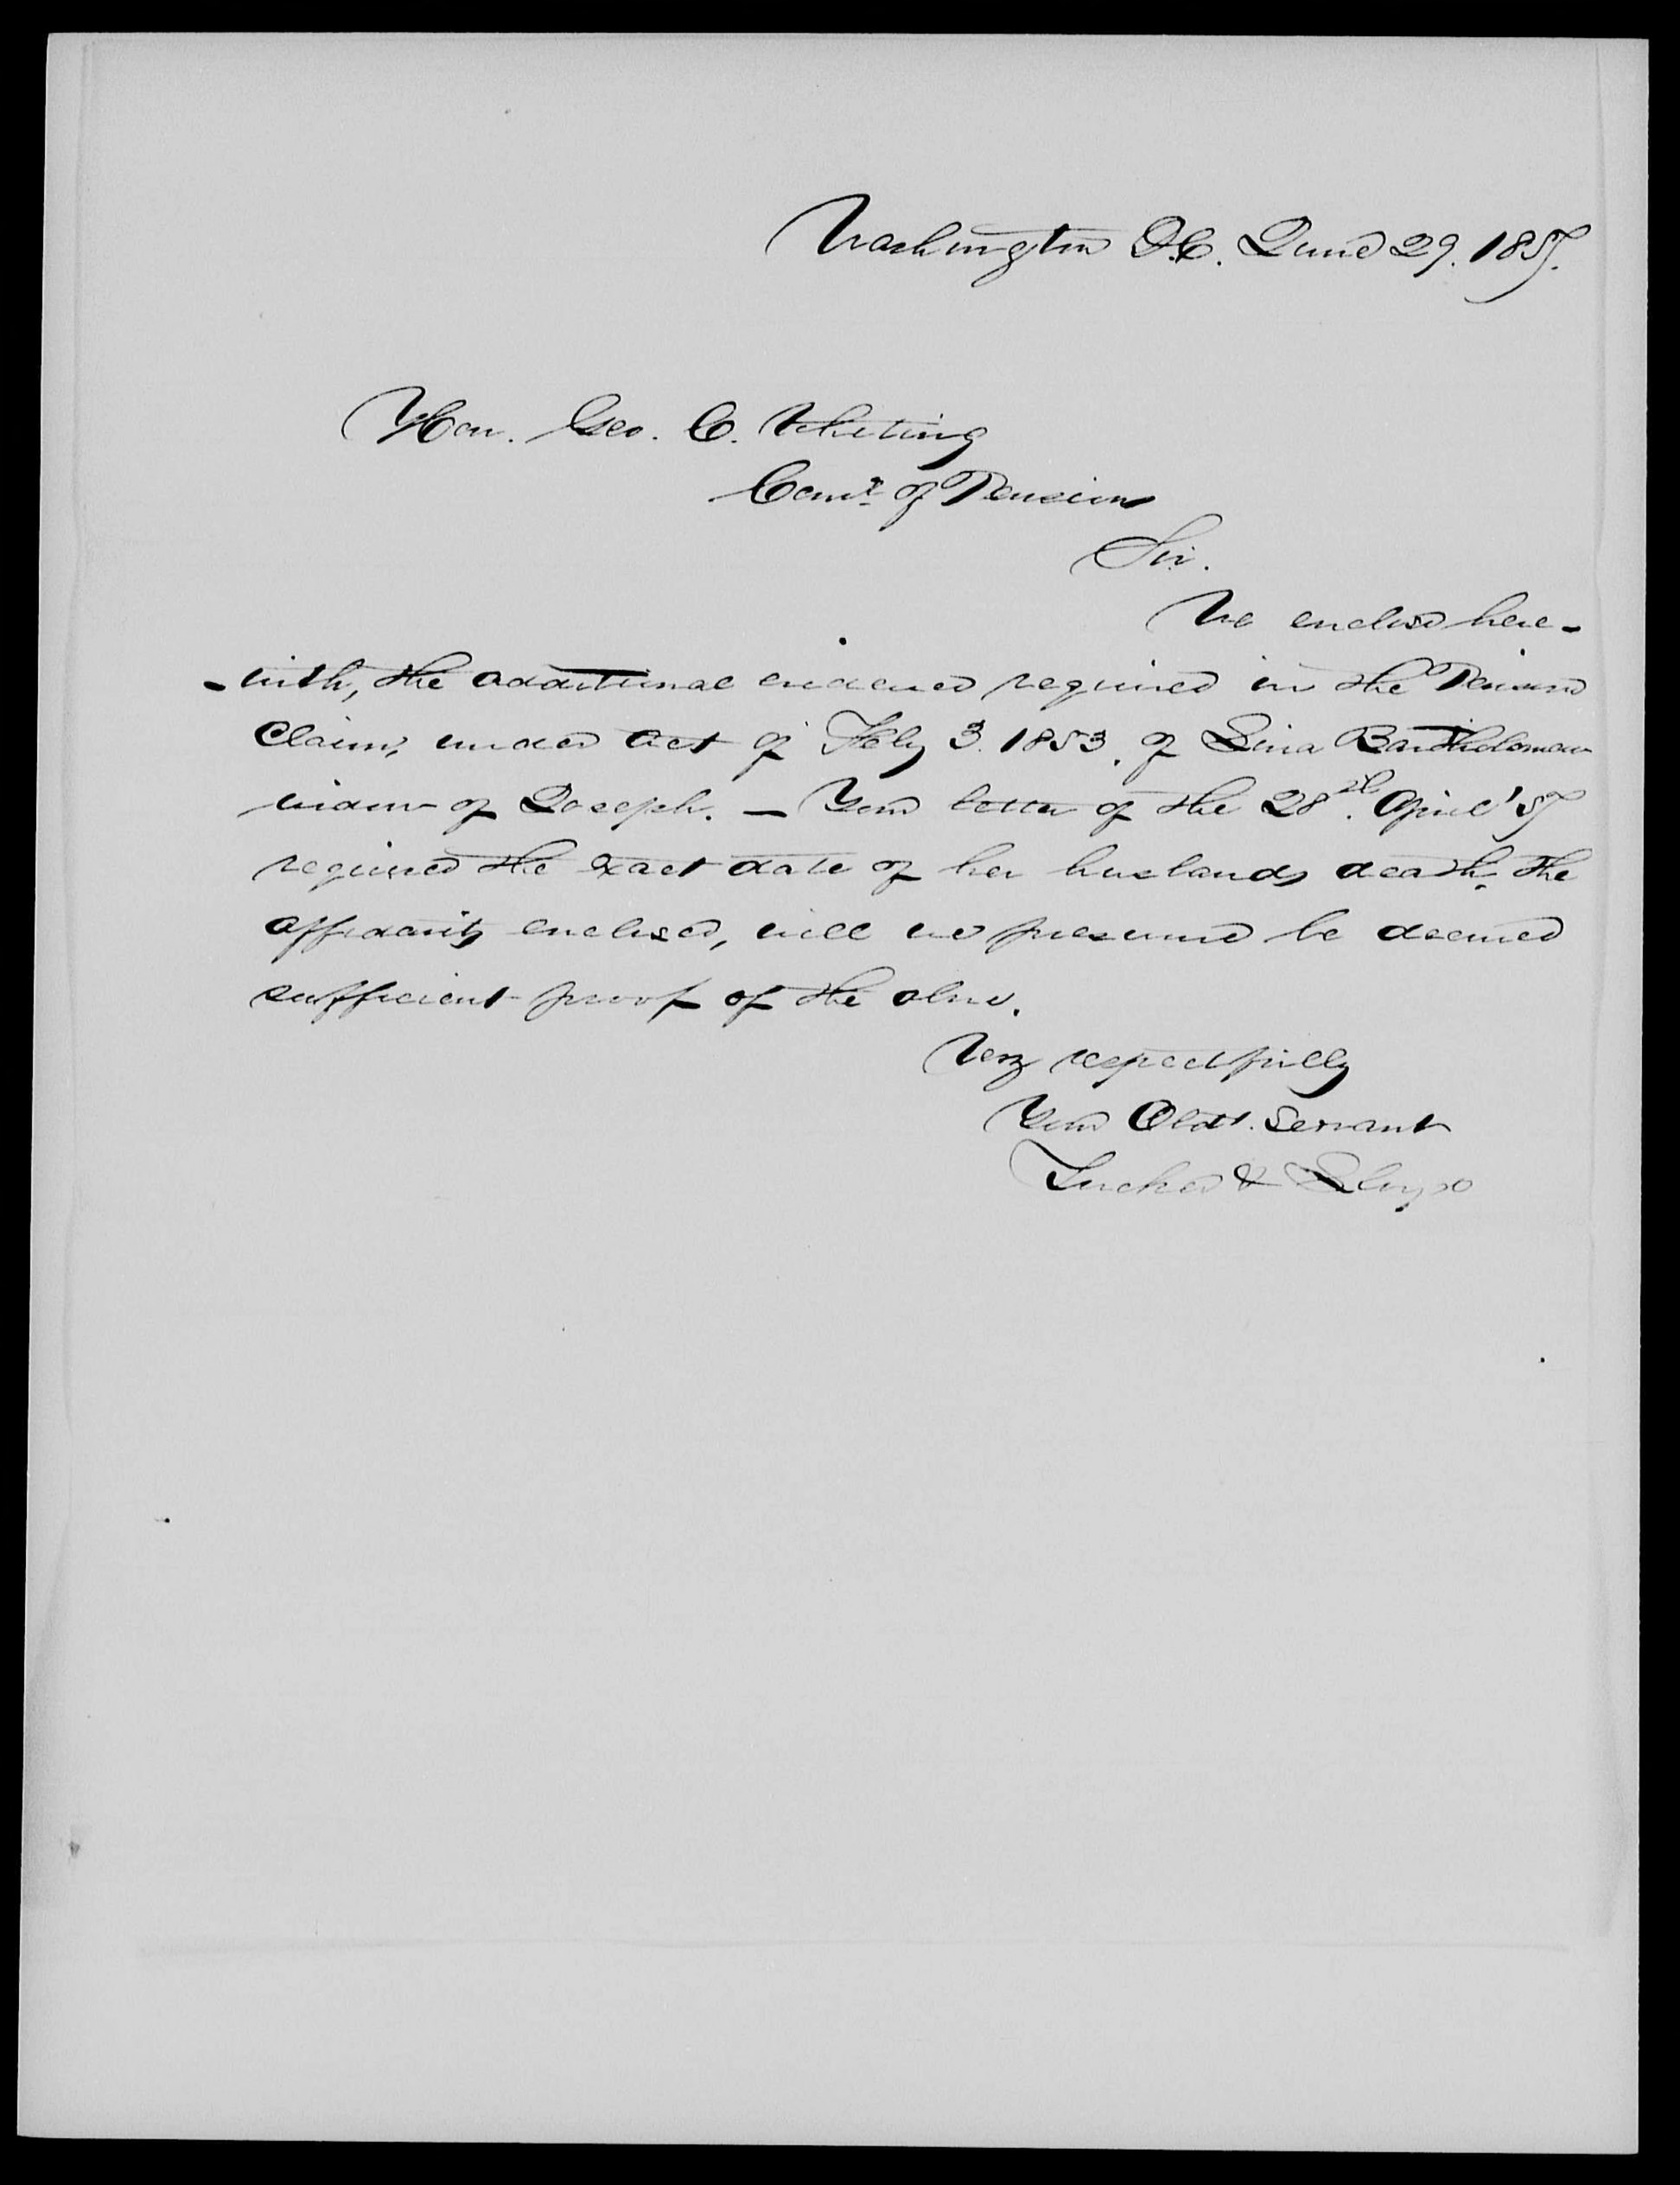Washington D.C. June 29. 1857


Hon. Geo. C. Whiting
Com'r of Pensions

Sir,
We enclose here - with the additional evidence required in the Pension claim, under Act of July 3. 1853, of Sina Bartholomew widow of Joseph. 
Your letter of the 28th April 57 required the exact date of her husbands death, the
affidavits enclosed, will we presume be deemed
sufficient proof of the above.

Very respectfully
Your Obdt Servant
Tucker & Lloyd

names: Lloyd, Sina Bartholomew, Geo C Whiting, Tucker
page: 27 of 76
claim: widow's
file: W. 9345, Joseph Bartholomew, Conn.